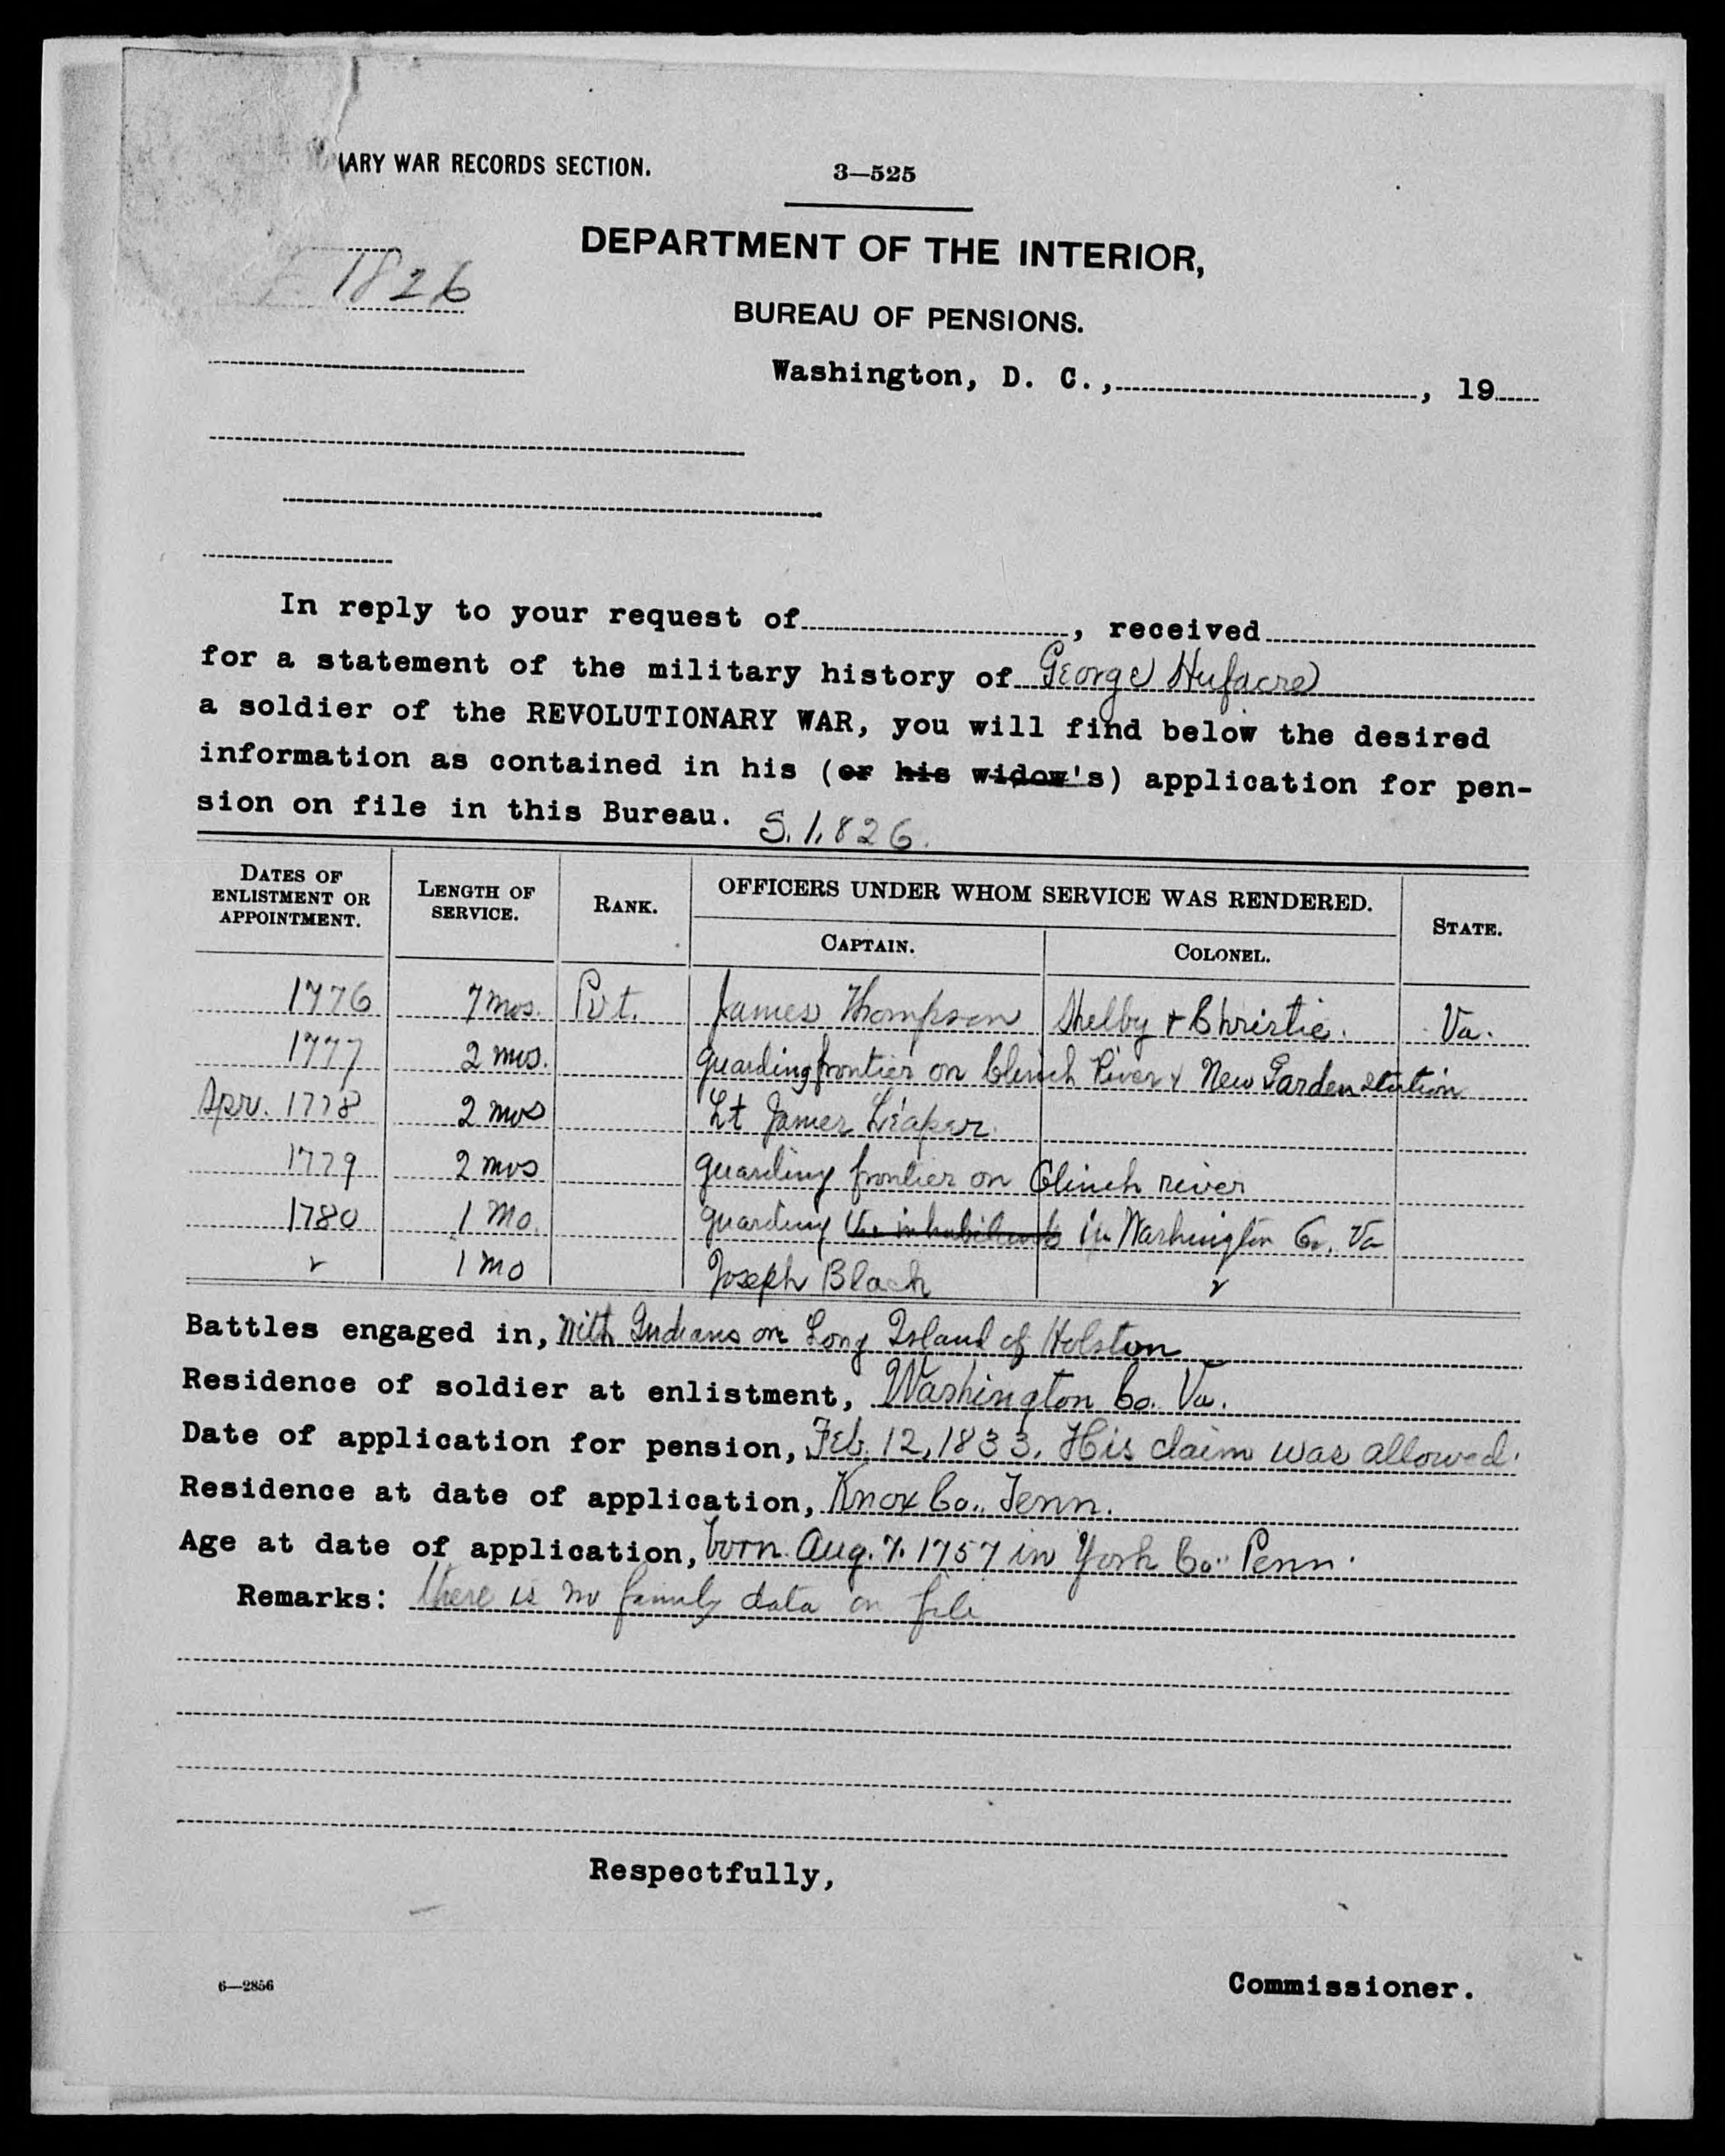[Page torn] ...ARY WAR RECORD SECTION 3-525
DEPARTMENT OF THE INTERIOR
1826   BUREAU OF PENSIONS
Washington, D.C.,........, 19........
[several rows of blank lines]

In Reply to your request of ......, received........ for a statement of the military history of George Hufacre a soldier of the REVOLUTIONARY WAR, you will find below the desired information as contained in his ([stricken] or his widow's) application for a pension on file in this Bureau. 

[Handwritten] 5.1.826

[Six columns with the following headings] Dates of Enlistment or Appointment., Length of Service., Rank., Officers Under Whom Service Was Rendered.: Captain., Colonel., State.

1776, 7mos., Pvt, James Thompson, Shelby and Christie, Va
1777, 2mos, guarding frontier on Clinch River & New Garden Station
Spr. 1778, 2mos, Lt. James Leaper
1779, 2mos, guarding frontier on Clinch River
1780, 1mo, guarding in Washington Co, Va
[ditto], 1mo, Joseph Black

Battles engaged in, [handwritten] with Indians on Long Island of Holston
Residence of soldier at enlistment, [handwritten] Washington Co. Va.
Date of application for pension, [handwritten] Feb. 12, 1833. His claim was allowed
Residence at application, [handwritten] Knox Co. Tenn
Age at date of application, [handwritten] born Aug, 7, 1757 in York Co. Penn.
Remarks: [handwritten] there is no family data on file

Respectfully, 
6-2856
Commissioner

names: George Hufacre, Christie, James Thompson, Joseph Black, Shelby, James Leaper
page: 10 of 19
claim: survivor's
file: S. 1826, George Hufacre, Va.